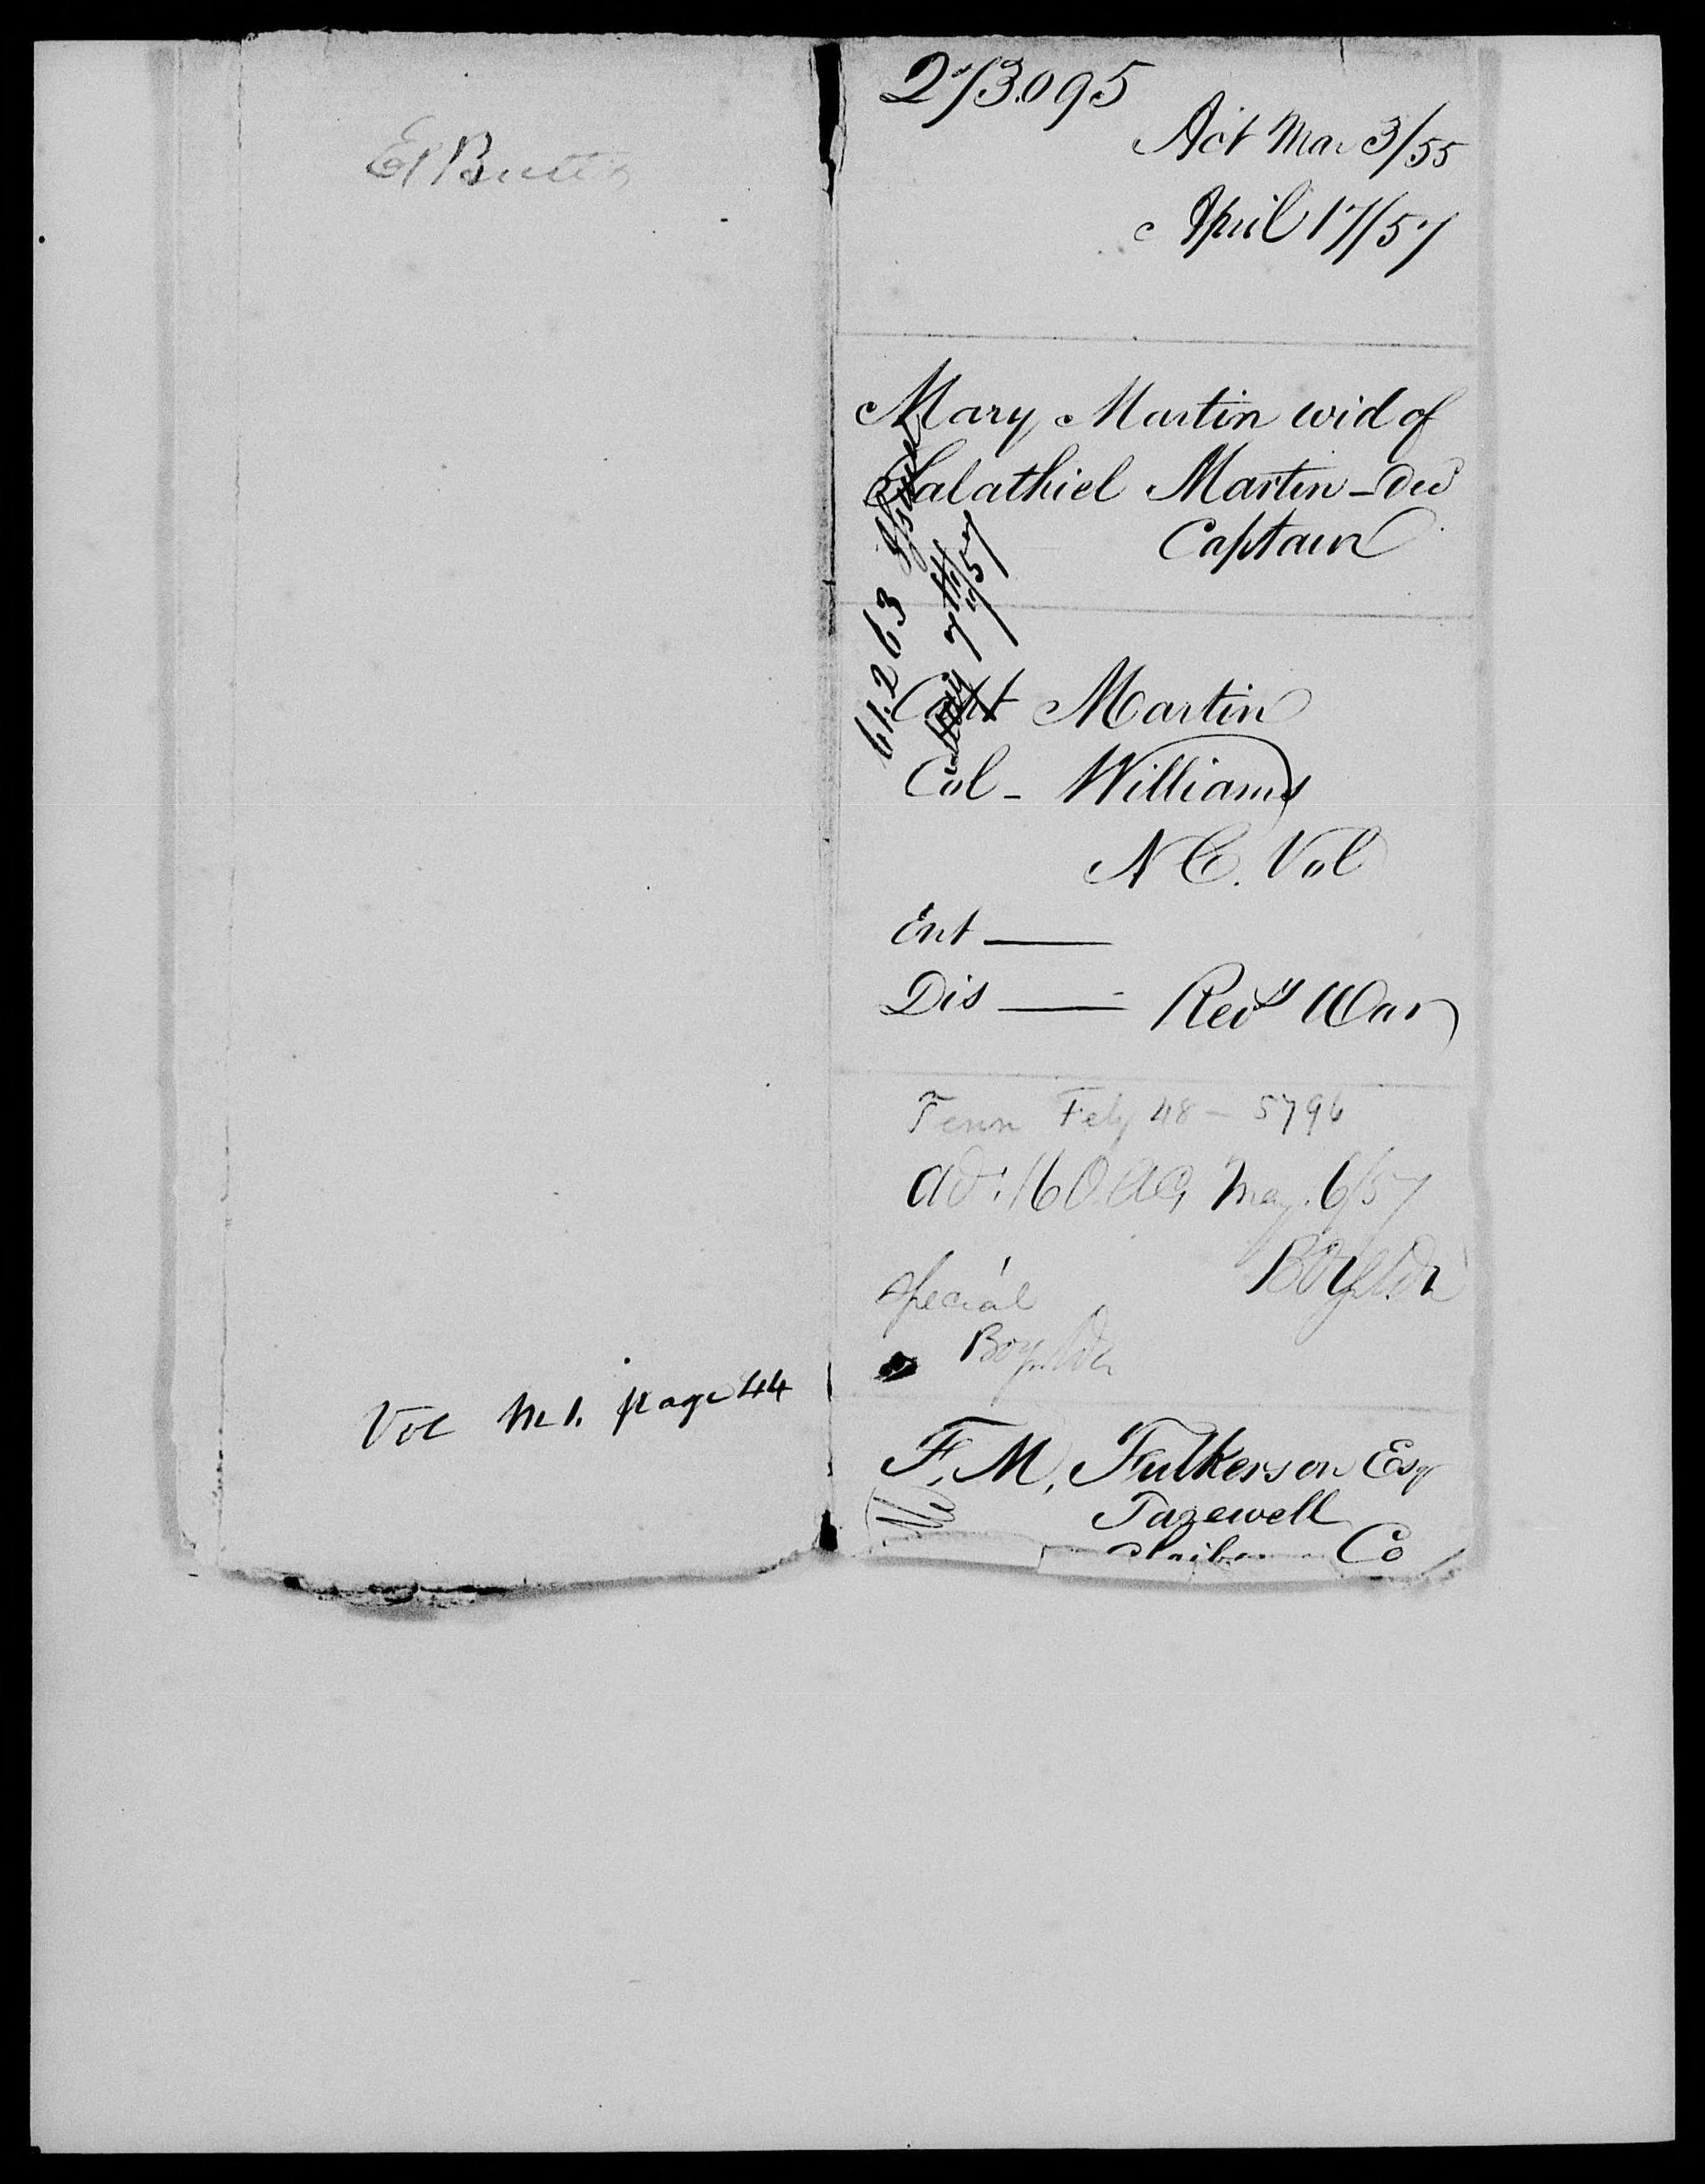[left side of page] 
E. Butts 
Vol M1 page 44 

[right side of page] 
273.095 
Act Mar 3/55 
April 17/57 

Mary Martin wid of 
Salathiel Martin Dec'd 
Captain 

[written overtop vertically] 
61.263 Issued 
May 7th /57 

Capt Martin 
Col. Williams 
NC. Vol 
Ent [blank]
Dis [blank] Rev War 

Tenn Feby 48-5796 
ao:160.00 May 6/57 
Boyton
special 
Boyton

F.M. Fulkerson Esq 
Tazewell 
Claiborne Co.
[page damage]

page: 3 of 120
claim: widow's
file: W. 1044, for Salathiel Martin, North Carolina